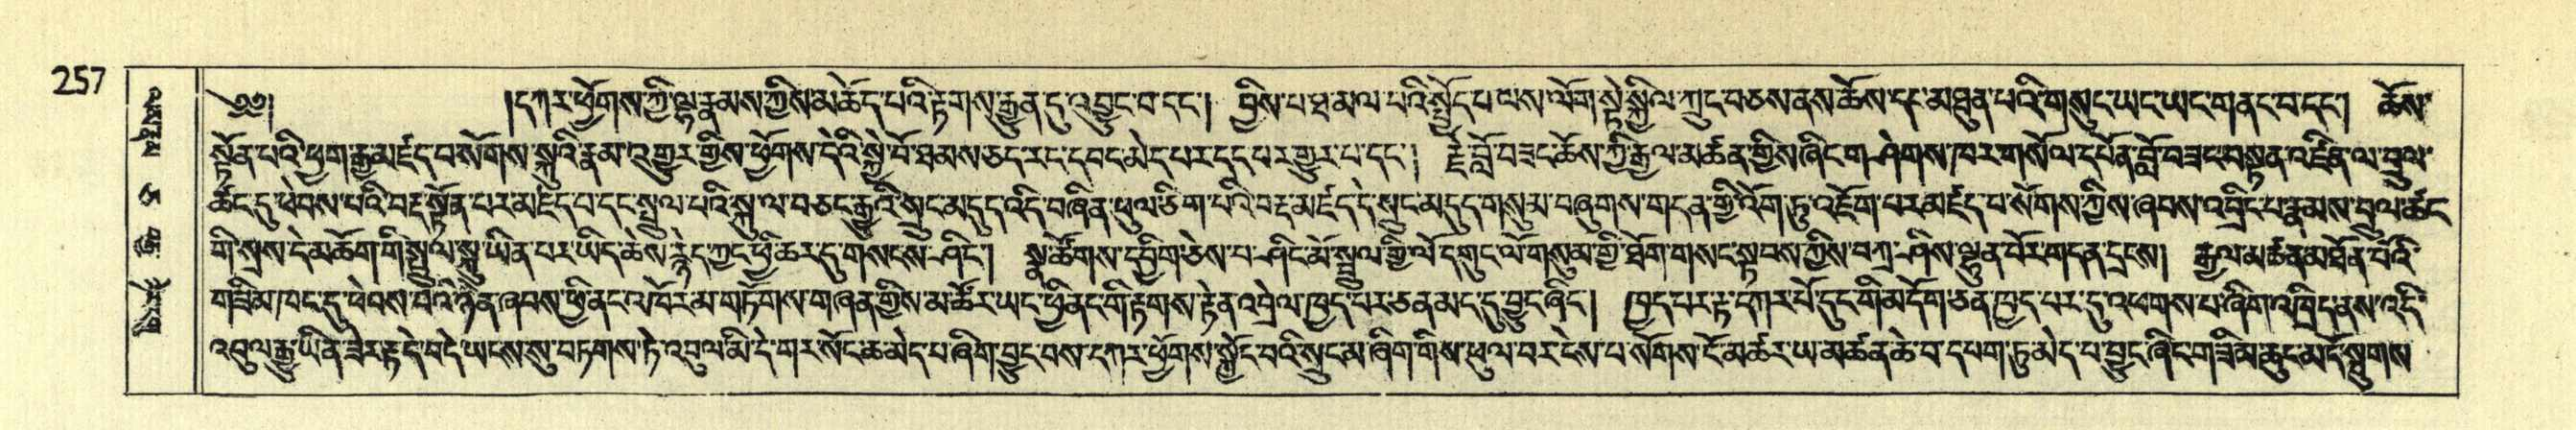༄༅། །དཀར་ཕྱོགས་ཀྱི་ལྷ་རྣམས་ཀྱིས་མཆོད་པའི་རྟགས་རྒྱུན་དུ་འབྱུང་བ་དང་། བྱིས་པ་ཐ་མལ་པའི་སྤྱོད་པ་ལས་ལོག་སྟེ་སྐྱིལ་ཀྲུང་བཅས་ནས་ཆོས་དང་མཐུན་པའི་གསུང་ཡང་ཡང་གནང་བ་དང་། ཆོས་
སྟོན་པའི་ཕྱག་རྒྱ་མཛད་པ་སོགས་སྐུའི་རྣམ་འགྱུར་གྱིས་ཕྱོགས་དེའི་སྐྱེ་བོ་ཐམས་ཅད་རང་དབང་མེད་པར་དད་པར་གྱུར་པ་དང་། རྗེ་བློ་བཟང་ཆོས་ཀྱི་རྒྱལ་མཚན་གྱིས་ཞིང་གཤེགས་ཁར་གསོལ་དཔོན་བློ་བཟང་བསྟན་འཛིན་ལ་བྲུལ་
ཚང་དུ་ཕེབས་པའི་བརྡ་སྟོན་པར་མཛད་པ་དང་སྤྲུལ་པའི་སྐུ་ལ་བཅང་རྒྱུའི་སྲུང་མདུད་འདི་བཞིན་ཕུལ་ཅིག་པའི་བརྡ་མཛད་དེ་སྲུང་མདུད་གསུམ་བཞུགས་གདན་གྱི་འོག་ཏུ་འཇོག་པར་མཛད་པ་སོགས་ཀྱིས་ཞབས་འབྲིང་པ་རྣམས་བྲུལ་ཚང་
གི་སྲས་དེ་མཆོག་གི་སྤྲུལ་སྐུ་ཡིན་པར་ཡིད་ཆེས་རྙེད་ཀྱང་ཕྱི་ཆར་དུ་གསངས་ཤིང་། སྣ་ཚོགས་དབྱིག་ཅེས་པ་ཤིང་མོ་སྦྲུལ་གྱི་ལོ་དགུང་ལོ་གསུམ་གྱི་ཐོག་གསང་སྟབས་ཀྱིས་བཀྲ་ཤིས་ལྷུན་པོར་གདན་དྲངས། རྒྱལ་མཚན་མཐོན་པོའི་
གཟིམ་ཁང་དུ་ཕེབས་བའི་ཉིན་ཞབས་ཕྱི་ནང་འཁོར་མ་གཏོགས་གཞན་གྱིས་མཚོར་ཡང་ཕྱི་ནང་གི་རྟགས་རྟེན་འབྲེལ་ཁྱད་པར་ཅན་མང་དུ་བྱུང་ཞིང་། ཁྱད་པར་རྟ་དཀར་པོ་དུང་གི་མདོག་ཅན་ཁྱད་པར་དུ་འཕགས་པ་ཞིག་འཁྲིད་ནས་འདི་
འབུལ་རྒྱུ་ཡིན་ཟེར་རྟ་དེ་བདེ་ཡངས་སུ་བཏགས་ཏེ་འབུལ་མི་དེ་གར་སོང་ཆ་མེད་པ་ཞིག་བྱུང་བས་དཀར་ཕྱོགས་སྐྱོང་བའི་སྲུང་མ་ཞིག་གིས་ཕུལ་བར་ངེས་པ་སོགས་ངོ་མཚར་ཡ་མཚན་ཆེ་བ་དཔག་ཏུ་མེད་པ་བྱུང་ཞིང་གཟིམ་ཆུང་མདོ་སྦུགས་